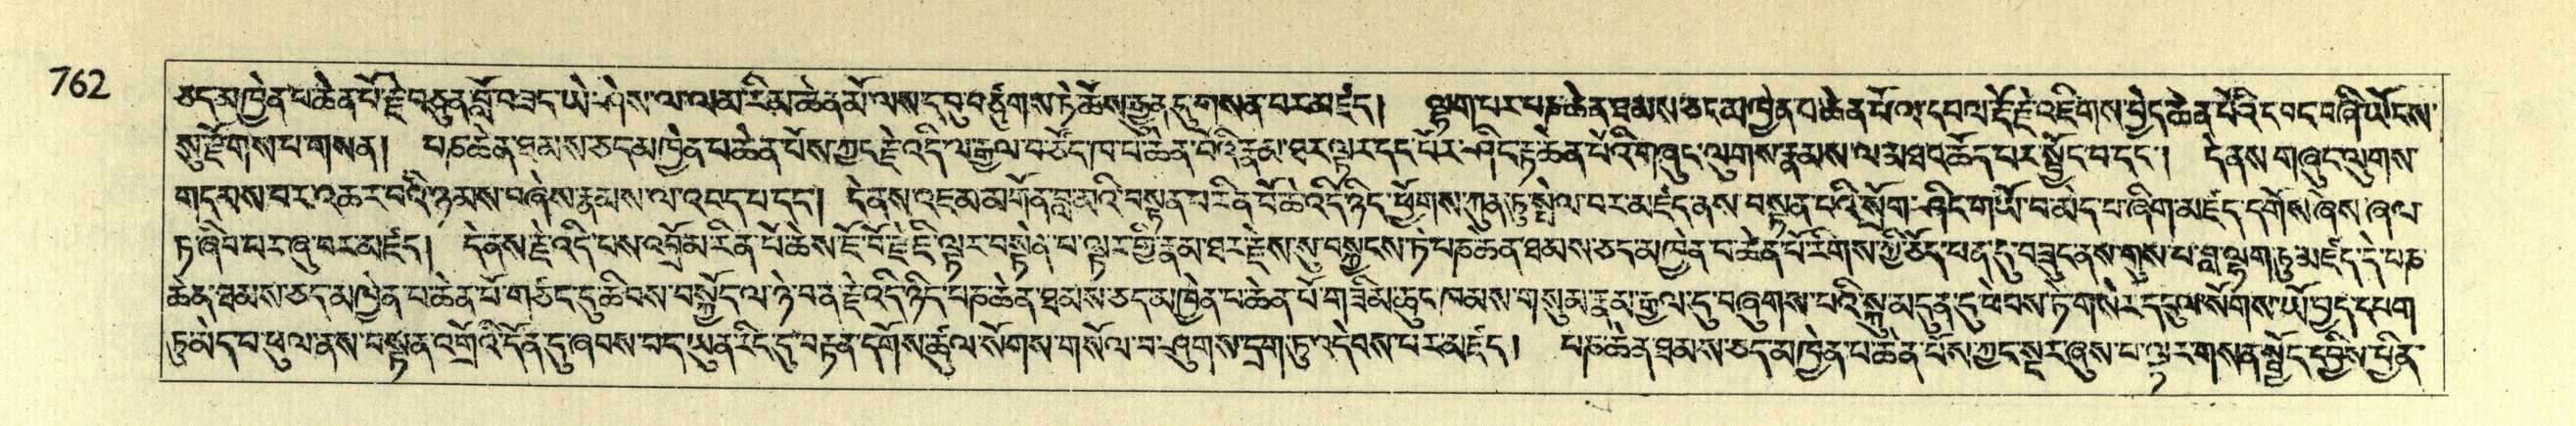ཅད་མཁྱེན་པ་ཆེན་པོ་རྗེ་བཅུན་བློ་བཟང་ཡེ་ཤེས་ལ་ལམ་རིམ་ཆེན་མོ་ལས་དབུ་བཙུགས་ཏེ་ཆོས་རྒྱུན་དུ་གསན་པར་མཛད། ལྷག་པར་པཎ་ཆེན་ཐམས་ཅད་མཁྱེན་བ་ཆེན་པོ་ལ་དཔལ་རྡོ་རྗེ་འཇིགས་བྱེད་ཆེན་པོའི་དབང་བཞི་ཡོངས་
སུ་རྫོགས་པ་གསན། པཎ་ཆེན་ཐམས་ཅད་མཁྱེན་པ་ཆེན་པོས་ཀྱང་རྗེ་འདི་ལ་རྒྱལ་བ་ཙོང་ཁ་པ་ཆེན་བོའི་རྣམ་ཐར་ལྟར་དང་པོར་ཤིང་རྟ་ཆེན་པོའི་གཞུང་ལུགས་རྣམས་ལ་མཐའ་ཆོད་པར་སྦྱོང་བ་དང་། དེ་ནས་གཞུང་ལུགས་
གདམས་བར་འཆར་བའི་ཉམས་བཞེས་རྣམས་ལ་འབད་པ་དང་། དེ་ནས་འཇམ་མགོན་བླ་མའི་བསྟན་པ་རིན་པོ་ཆེ་འདི་ཉིད་ཕྱོགས་ཀུན་ཏུ་སྤེལ་བར་མཛད་ནས་བསྟན་པའི་སྲོག་ཤིང་གཡོ་བ་མེད་པ་ཞིག་མཛད་དགོས་ཞེས་ཞལ་
ཏ་ཞིབ་པར་ཞུ་བར་མཛད། དེ་ནས་རྗེ་འདི་པས་འབྲོམ་རིན་པོ་ཆེས་ཇོ་བོ་རྗེ་ཇི་ལྟར་བསྟེན་པ་ལྟར་གྱི་རྣམ་ཐར་རྗེས་སུ་བསྐྱངས་ཏེ་པཎ་ཆེན་ཐམས་ཅད་མཁྱེན་པ་ཆེན་པོ་རིགས་ཀྱི་ཅོད་པན་དུ་བཟུང་ནས་གུས་པ་བླ་ལྷག་ཏུ་མཛད་དེ་པཎ་
ཆེན་ཐམས་ཅད་མཁྱེན་པ་ཆེན་པོ་གཙང་དུ་ཆིབས་བསྐྱོད་ལ་ཉེ་བན་རྗེ་འདི་ཉིད་པཎ་ཆེན་ཐམས་ཅད་མཁྱེན་པ་ཆེན་པོ་གཟིམ་ཆུང་ཁམས་གསུམ་རྣམ་རྒྱལ་དུ་བཞུགས་པའི་སྐུ་མདུན་དུ་ཕེབས་ཏེ་གསེར་དངུལ་སོགས་ཡོ་བྱད་དཔག་
ཏུ་མེད་པ་ཕུལ་ནས་བསྟན་འགྲོའི་དོན་དུ་ཞབས་པད་ཡུན་རིང་དུ་བརྟན་དགོས་ཚུལ་སོགས་གསོལ་བ་ཤུགས་དྲག་ཏུ་འདེབས་པར་མཛད། པཎ་ཆེན་ཐམས་ཅད་མཁྱེན་པ་ཆེན་པོས་ཀྱང་སྔར་ཞུས་པ་ལྟར་གསན་སྦྱོད་དབྱིས་བྱིན་